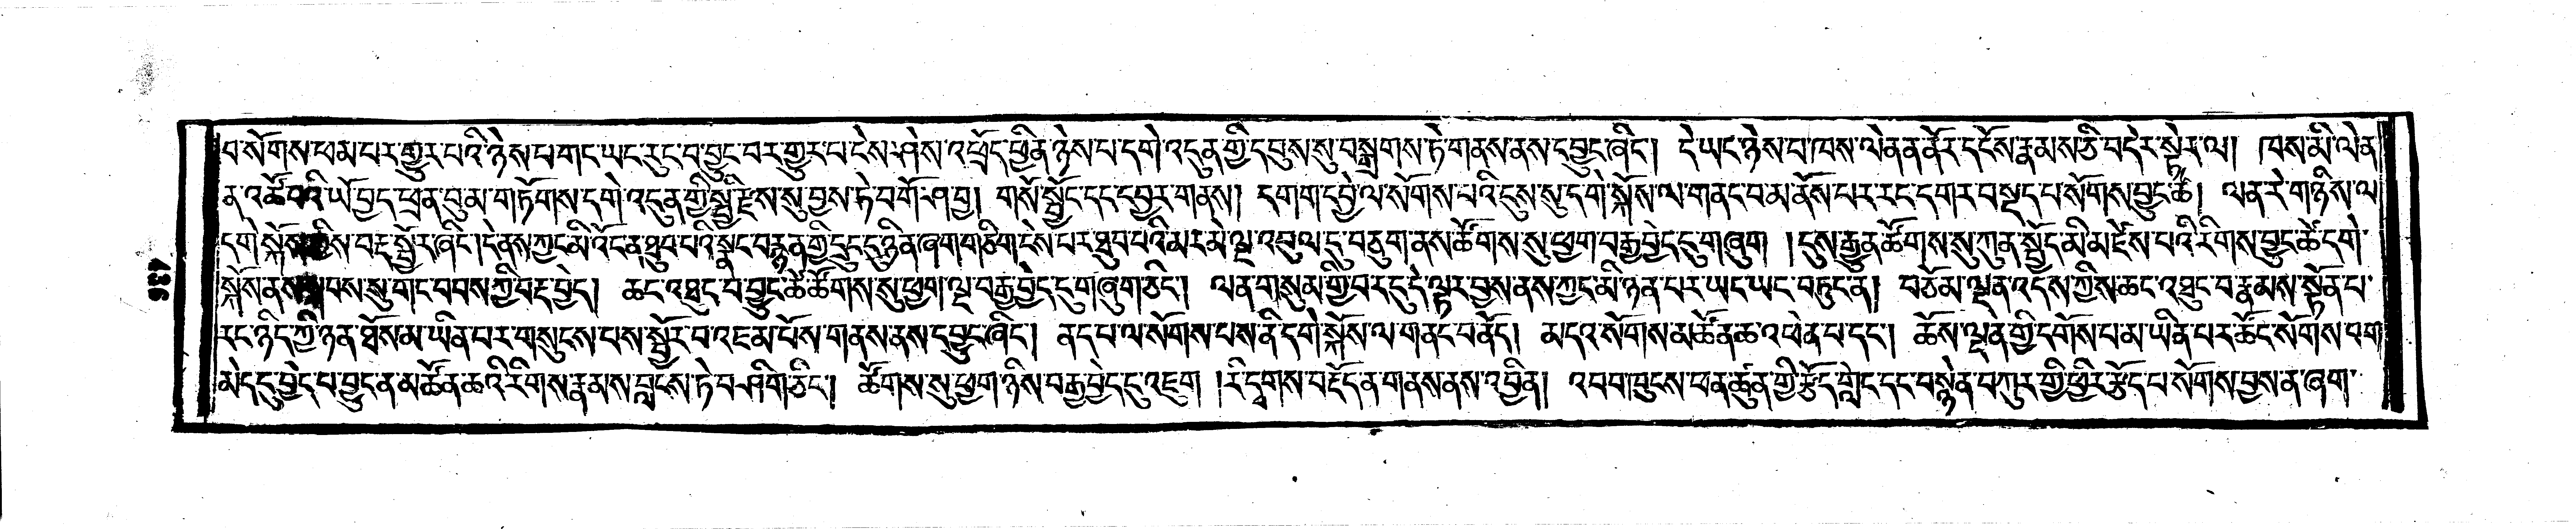བ་སོགས་ཕམ་པར་གྱུར་བའི་ཉེས་པ་གང་ཡང་རུང་བ་བྱུང་བར་གྱུར་པ་ངེས་ཤེས་འཕྲོད་ཕྱིན་ཉེས་པ་དགེ་འདུན་གྱི་དབུས་སུ་བསྒྲགས་ཏེ་གནས་ནས་དབྱུང་ཞིང་། དེ་ཡང་ཉེས་པ་ཁས་ལེན་ན་ནོར་དངོས་རྣམས་ཅི་བདེར་སྟེ་ལ། ཁས་མི་ལེན་
ན་འཚོ་བའི་ཡོ་བྱད་ཕྲན་བུམ་གཏོགས་དགེ་འདུན་གྱི་སྤྱི་རྫས་སུ་བྱས་ཏེ་བགོ་ཤ་བྱ། གསོ་སྦྱོང་དང་དབྱར་གནས། དགག་དབྱེ་ལ་སོགས་པའི་དུས་སུ་དགེ་སྐོས་ལ་གནང་བ་མ་ནོས་པར་རང་དགར་བསྡད་པ་སོགས་བྱུང་ཚེ། ལན་རེ་གཉིས་ལ་
དགེ་སྐོས་ཀྱིས་བརྡ་སྦྱོར་ཞིང་། དེ་ནས་ཀྱང་མི་འོང་ན་ཐུབ་པའི་སྣང་བརྙན་གྱི་དྲུང་དུ་ཉིན་ཞག་གཅིག་ངེས་པར་ཐུབ་པའི་མར་མེ་ལྔ་འབུལ་དུ་བཅུག་ནས་ཚོགས་སུ་ཕྱག་བརྒྱ་བྱེད་དུ་གཞུག །དུས་རྒྱུན་ཚོགས་སུ་ཀུན་སྤྱོད་མི་མཛེས་པའི་རིགས་བྱུང་ཚེ་དགེ་
སྐོས་ནས་སྐབས་སུ་གང་བབས་ཀྱི་བརྡ་བྱེད། ཆང་འཐུང་བ་བྱུང་ཚེ་ཚོགས་སུ་ཕྱག་ལྔ་བརྒྱ་བྱེད་དུ་གཞུག་ཅིང་། ལན་གསུམ་གྱི་བར་དུ་དེ་ལྟར་བྱས་ནས་ཀྱང་མི་ཉན་པར་ཡང་ཡང་བཏུང་ན། བཅོམ་ལྡན་འདས་ཀྱིས་ཆང་འཐུང་བ་རྣམས་སྟོན་པ་
རང་ཉིད་ཀྱི་ཉན་ཐོས་མ་ཡིན་པར་གསུངས་པས་སྦྱོར་བ་འཇམ་པོས་གནས་ནས་དབྱུང་ཞིང་། ནད་པ་ལ་སོགས་པས་ནི་དགེ་སྐོས་ལ་གནང་བ་ནོད། མདའ་སོགས་མཚོན་ཆ་འཕེན་པ་དང་། ཆོས་ལྡན་གྱི་དགོས་པ་མ་ཡིན་པར་ཚོང་སོགས་བག་
མེད་དུ་བྱེད་པ་བྱུང་ན་མཚོན་ཆའི་རིགས་རྣམས་བླངས་ཏེ་བ་ཤིག་ཅིང་། ཚོགས་སུ་ཕྱག་ཉིས་བརྒྱ་བྱེད་དུ་འཇུག །རི་དྭགས་བརྔོད་ན་གནས་ནས་འབྱིན། འབབ་ཁུངས་ཕན་ཚུན་གྱི་རྩོད་གླེང་དང་བསྙེན་བཀུར་གྱི་ཕྱིར་རྩོད་པ་སོགས་བྱས་ན་ཞག་